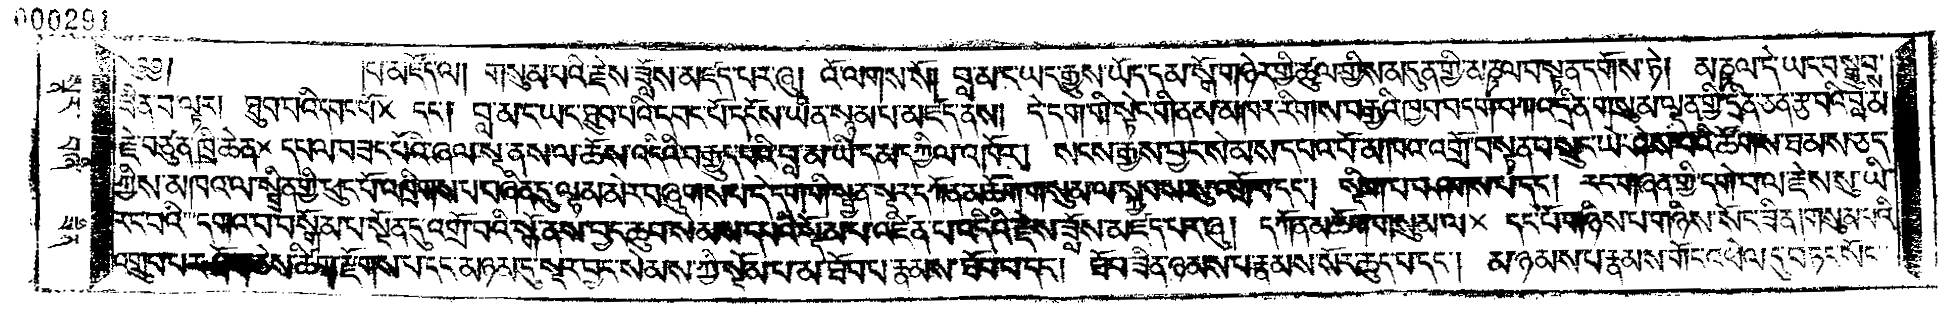༄༅། །པ་མཛོད་ལ། གསུམ་པའི་རྗེས་ཟློས་མཛད་པར་ཞུ། འོ་ལགས་སོ། བླ་མ་ང་ཡང་རྒྱུས་ཡོད་དམ་སྒོ་གཉེར་གྱི་ཚུལ་གྱིས་མདུན་གྱི་མཎྜལ་བསྟན་དགོས་ཏེ། མཎྜལ་དེ་ཡང་བསྒྲུབས་
ཟིན་པ་ལྟར། ཐུབ་པའི་དབང་པོ྾་དང་། བླ་མ་ང་ཡང་ཐུབ་པའི་དབང་པོ་དངོས་ཡིན་སྙམ་པ་མཛད་ནས། དེ་དག་གི་སྟེང་གི་ནམ་མཁར་རིགས་བརྒྱའི་ཁྱབ་བདག་བཀའ་དྲིན་གསུམ་ལྡན་གྱི་དྲིན་ཅན་རྩ་བའི་བླ་མ་
རྗེ་བཙུན་ཁྲི་ཆེན྾་དཔལ་བཟང་པོའི་ཞལ་སྔ་ནས་ལ་ཆོས་འདིའི་བརྒྱུད་པའི་བླ་མ་ཡི་དམ་དཀྱིལ་འཁོར། སངས་རྒྱས་བྱང་སེམས་དཔའ་བོ་མཁའ་འགྲོ་བསྟན་བསྲུང་ཡེ་ཤེས་པའི་ཚོགས་ཐམས་ཅད་
ཀྱིས་མཁའ་ལ་སྤྲིན་གྱི་ཕུང་པོ་འཁྲིགས་པ་བཞིན་དུ་ལྷམ་མེར་བཞུགས་པ་དེ་དག་གི་སྤྱན་སྔར་དཀོན་མཆོག་གསུམ་ལ་སྐྱབས་སུ་འགྲོ་བ་དང་། སྡིག་པ་བཤགས་པ་དང་། རང་གཞན་གྱི་དགེ་བ་ལ་རྗེས་སུ་ཡི་
རང་བའི་དགའ་བ་བསྒོམ་པ་སྔོན་དུ་འགྲོ་བའི་སྒོ་ནས་བྱང་ཆུབ་སེམས་དཔའི་སྡོམ་པ་འཛིན་པ་འདིའི་རྗེས་ཟློས་མཛད་པར་ཞུ། དཀོན་མཆོག་གསུམ་ལ྾་དང་པོ་གཉིས་པ་གཉིས་སོང་ཟིན། གསུམ་པའི་
འགྲུབ་པར་ཤོག་ཅེས་ཚིག་རྫོགས་པ་དང་མཉམ་དུ་སྔར་བྱང་སེམས་ཀྱི་སྡོམ་པ་མ་ཐོབ་པ་རྣམས་ཐོབ་པ་དང་། ཐོབ་ཟིན་ཉམས་པ་རྣམས་སོར་ཆུད་པ་དང་། མ་ཉམས་པ་རྣམས་གོང་འཕེལ་དུ་བཏང་སོང་